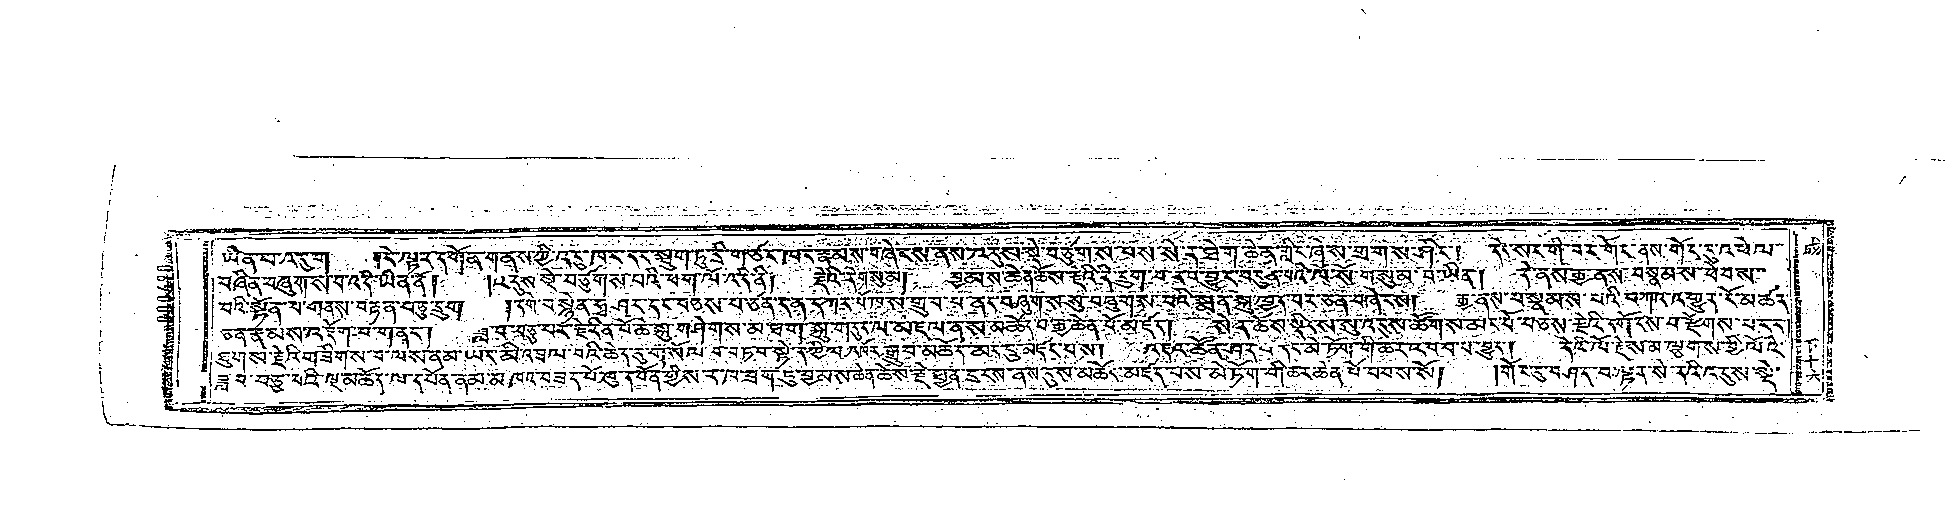ཡིན་པ་འདུག །དེ་ལྟར་དགོན་གནས་ཀྱི་འདུ་ཁང་དང་སྦུག་ཏུ་དྲི་གཙང་ཁང་རྣམས་བཞེངས་ནས་འདུས་སྡེ་བཙུགས་པས་སེ་ར་ཐེག་ཆེན་གླིང་ཞེས་གྲགས་ཤིང་། དེང་སང་གི་བར་གོང་ནས་གོང་དུ་འཕེལ་
བཞིན་བཞུགས་བ་འདི་ཡིན་ནོ། །འདུས་སྡེ་བཙུགས་པའི་ཕག་ལོ་འདི་ནི། རྗེའི་རེ་གསུམ། བྱམས་ཆེན་ཆོས་རྗེའི་རི་དྲུག་པ་རབ་བྱུང་བདུན་པའི་ལོ་སོ་གསུམ་པ་ཡིན། དེ་ནས་རྒྱ་ནས་བསྣམས་ཕེབས་
བའི་སྟོན་པ་གནས་བརྟན་བཅུ་དྲུག །དགེ་བསྙེན་ཧྭ་ཤང་དང་བཅས་པ་ཙན་དན་དཀར་པོ་ལས་གྲུབ་པ་ནང་བཞུགས་སུ་བཞུགས་པའི་སྨན་སྐུ་ཁྱད་པར་ཅན་བཞེངས། རྒྱ་ནས་བསྣམས་པའི་བཀའ་འགྱུར་ངོ་མཚར་
ཅན་རྣམས་འཇོག་པ་གནང་། ཟླ་བ་བཅུ་པར་རྗེ་རིན་པོ་ཆེ་སྐུ་གཤེགས་མ་ཐག་སྐུ་གདུང་ལ་མཇལ་ནས་མཆོད་བ་རྒྱ་ཆེན་པོ་མཛད། སེ་ར་ཆོས་སྡིངས་སུ་འདུས་ཚོགས་མང་པོ་བཅས་རྗེའི་དགོངས་པ་རྫོགས་པ་དང་།
ཐུགས་རྗེའི་གཟིགས་པ་ལས་ནམ་ཡང་མི་འབྲལ་བའི་ཆེད་དུ་གསོལ་བ་བཏབ་སྟེ་དཀྱིལ་འཁོར་སྒྲུབ་མཆོད་མང་དུ་མཛད་པས། འཇའ་ཚོན་ཤར་བ་དང་མེ་ཏོག་གི་ཆར་འབབ་པ་བྱུང་། དེའི་ལོ་རྗེས་མ་ལྕགས་བྱི་ལོའི་
ཟླ་བ་བཅུ་པའི་ལྔ་མཆོད་ལ་དཔོན་ནམ་མཁའ་བཟང་པོ་ཁུ་དབོན་གྱིས་ར་ཁ་བྲག་ཏུ་བྱམས་ཆེན་ཆོས་རྗེ་སྤྱན་དྲངས་ནས་དུས་མཆོད་མཛད་པས་མེ་ཏོག་གི་ཆར་ཆེན་པོ་བབས་སོ། །གོང་དུ་བཤད་པ་ལྟར་སེ་རའི་འདུས་སྡེ་